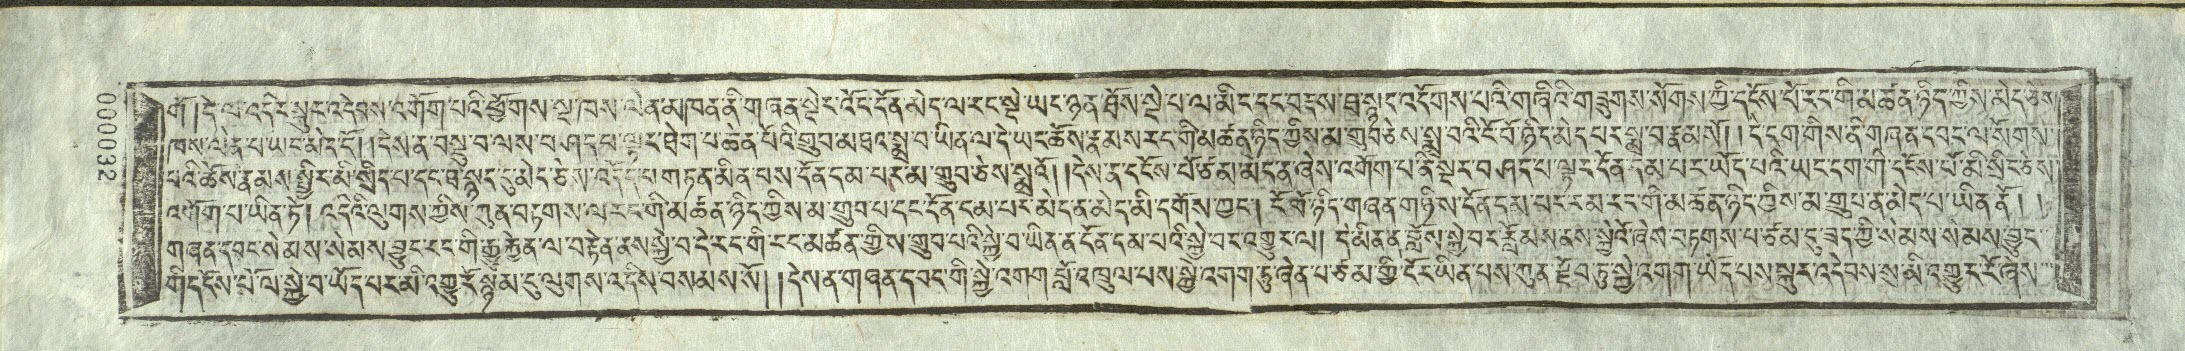གོ །དེ་ལ་འདིར་སྐུར་འདེབས་འགོག་པའི་ཕྱོགས་སྔ་ཁས་ལེན་མཁན་ནི་གཞན་སྡེར་འོང་དོན་མེད་ལ་རང་སྡེ་ཡང་ཉན་ཐོས་སྡེ་པ་ལ་མིང་དང་བརྡས་ཐ་སྙད་འདོགས་པའི་གཞིའི་གཟུགས་སོགས་ཀྱི་དངོས་པོ་རང་གི་མཚན་ཉིད་ཀྱིས་མེད་ཅེས་
ཁས་ལེན་པ་ཡང་མེད་དོ། །དེས་ན་བསྡུ་བ་ལས་བཤད་པ་ལྟར་ཐེག་པ་ཆེན་པོའི་གྲུབ་མཐའ་སྨྲ་བ་ཡིན་ལ་དེ་ཡང་ཆོས་རྣམས་རང་གི་མཚན་ཉིད་ཀྱིས་མ་གྲུབ་ཅེས་སྨྲ་བའི་ངོ་བོ་ཉིད་མེད་པར་སྨྲ་བ་རྣམས་སོ། །དེ་དག་གིས་ནི་གཞན་དབང་ལ་སོགས་
པའི་ཆོས་རྣམས་སྤྱིར་མི་སྲིད་པ་དང་ཐ་སྙད་དུ་མེད་ཅེས་འདོད་པ་གཏན་མིན་པས་དོན་དམ་པར་མ་གྲུབ་ཅེས་སྨྲའོ། །དེས་ན་དངོས་པོ་ཙམ་མེད་ན་ཞེས་འགོག་པ་ནི་སྔར་བཤད་པ་ལྟར་དོན་དམ་པར་ཡོད་པའི་ཡང་དག་གི་དངོས་པོ་མི་སྲིད་ཅེས་
འགོག་པ་ཡིན་ཏེ། འདིའི་ལུགས་ཀྱིས་ཀུན་བརྟགས་ལ་རང་གི་མཚན་ཉིད་ཀྱིས་མ་གྲུབ་པ་དང་དོན་དམ་པར་མེད་ན་མེད་མི་དགོས་ཀྱང་། ངོ་བོ་ཉིད་གཞན་གཉིས་དོན་དམ་པར་རམ་རང་གི་མཚན་ཉིད་ཀྱིས་མ་གྲུབ་ན་མེད་པ་ཡིན་ནོ། །
གཞན་དབང་སེམས་སེམས་བྱུང་རང་གི་རྒྱུ་རྐྱེན་ལ་བརྟེན་ནས་སྐྱེ་བ་དེ་རང་གི་རང་མཚན་གྱིས་གྲུབ་པའི་སྐྱེ་བ་ཡིན་ན་དོན་དམ་པའི་སྐྱེ་བར་འགྱུར་ལ། དེ་མིན་ན་བློས་སྐྱེ་བར་རློམས་ནས་སྐྱེའོ་ཞེས་བཏགས་པ་ཙམ་དུ་ཟད་ཀྱི་སེམས་སེམས་བྱུང་
གི་དངོས་པོ་ལ་སྐྱེ་བོ་ཡོད་བར་མི་འགྱུར་རོ་སྙམ་དུ་ལུགས་འདིས་བསམས་སོ། །དེས་ན་གཞན་དབང་གི་སྐྱེ་འགག་བློ་འཁྲུལ་པས་སྐྱེ་འགག་ཏུ་ཞེན་པ་ཙམ་གྱི་ངོར་ཡིན་པས་ཀུན་རྫོབ་ཏུ་སྐྱེ་འགག་ཡོད་པས་སྐུར་འདེབས་སུ་མི་འགྱུར་རོ་ཞེས་